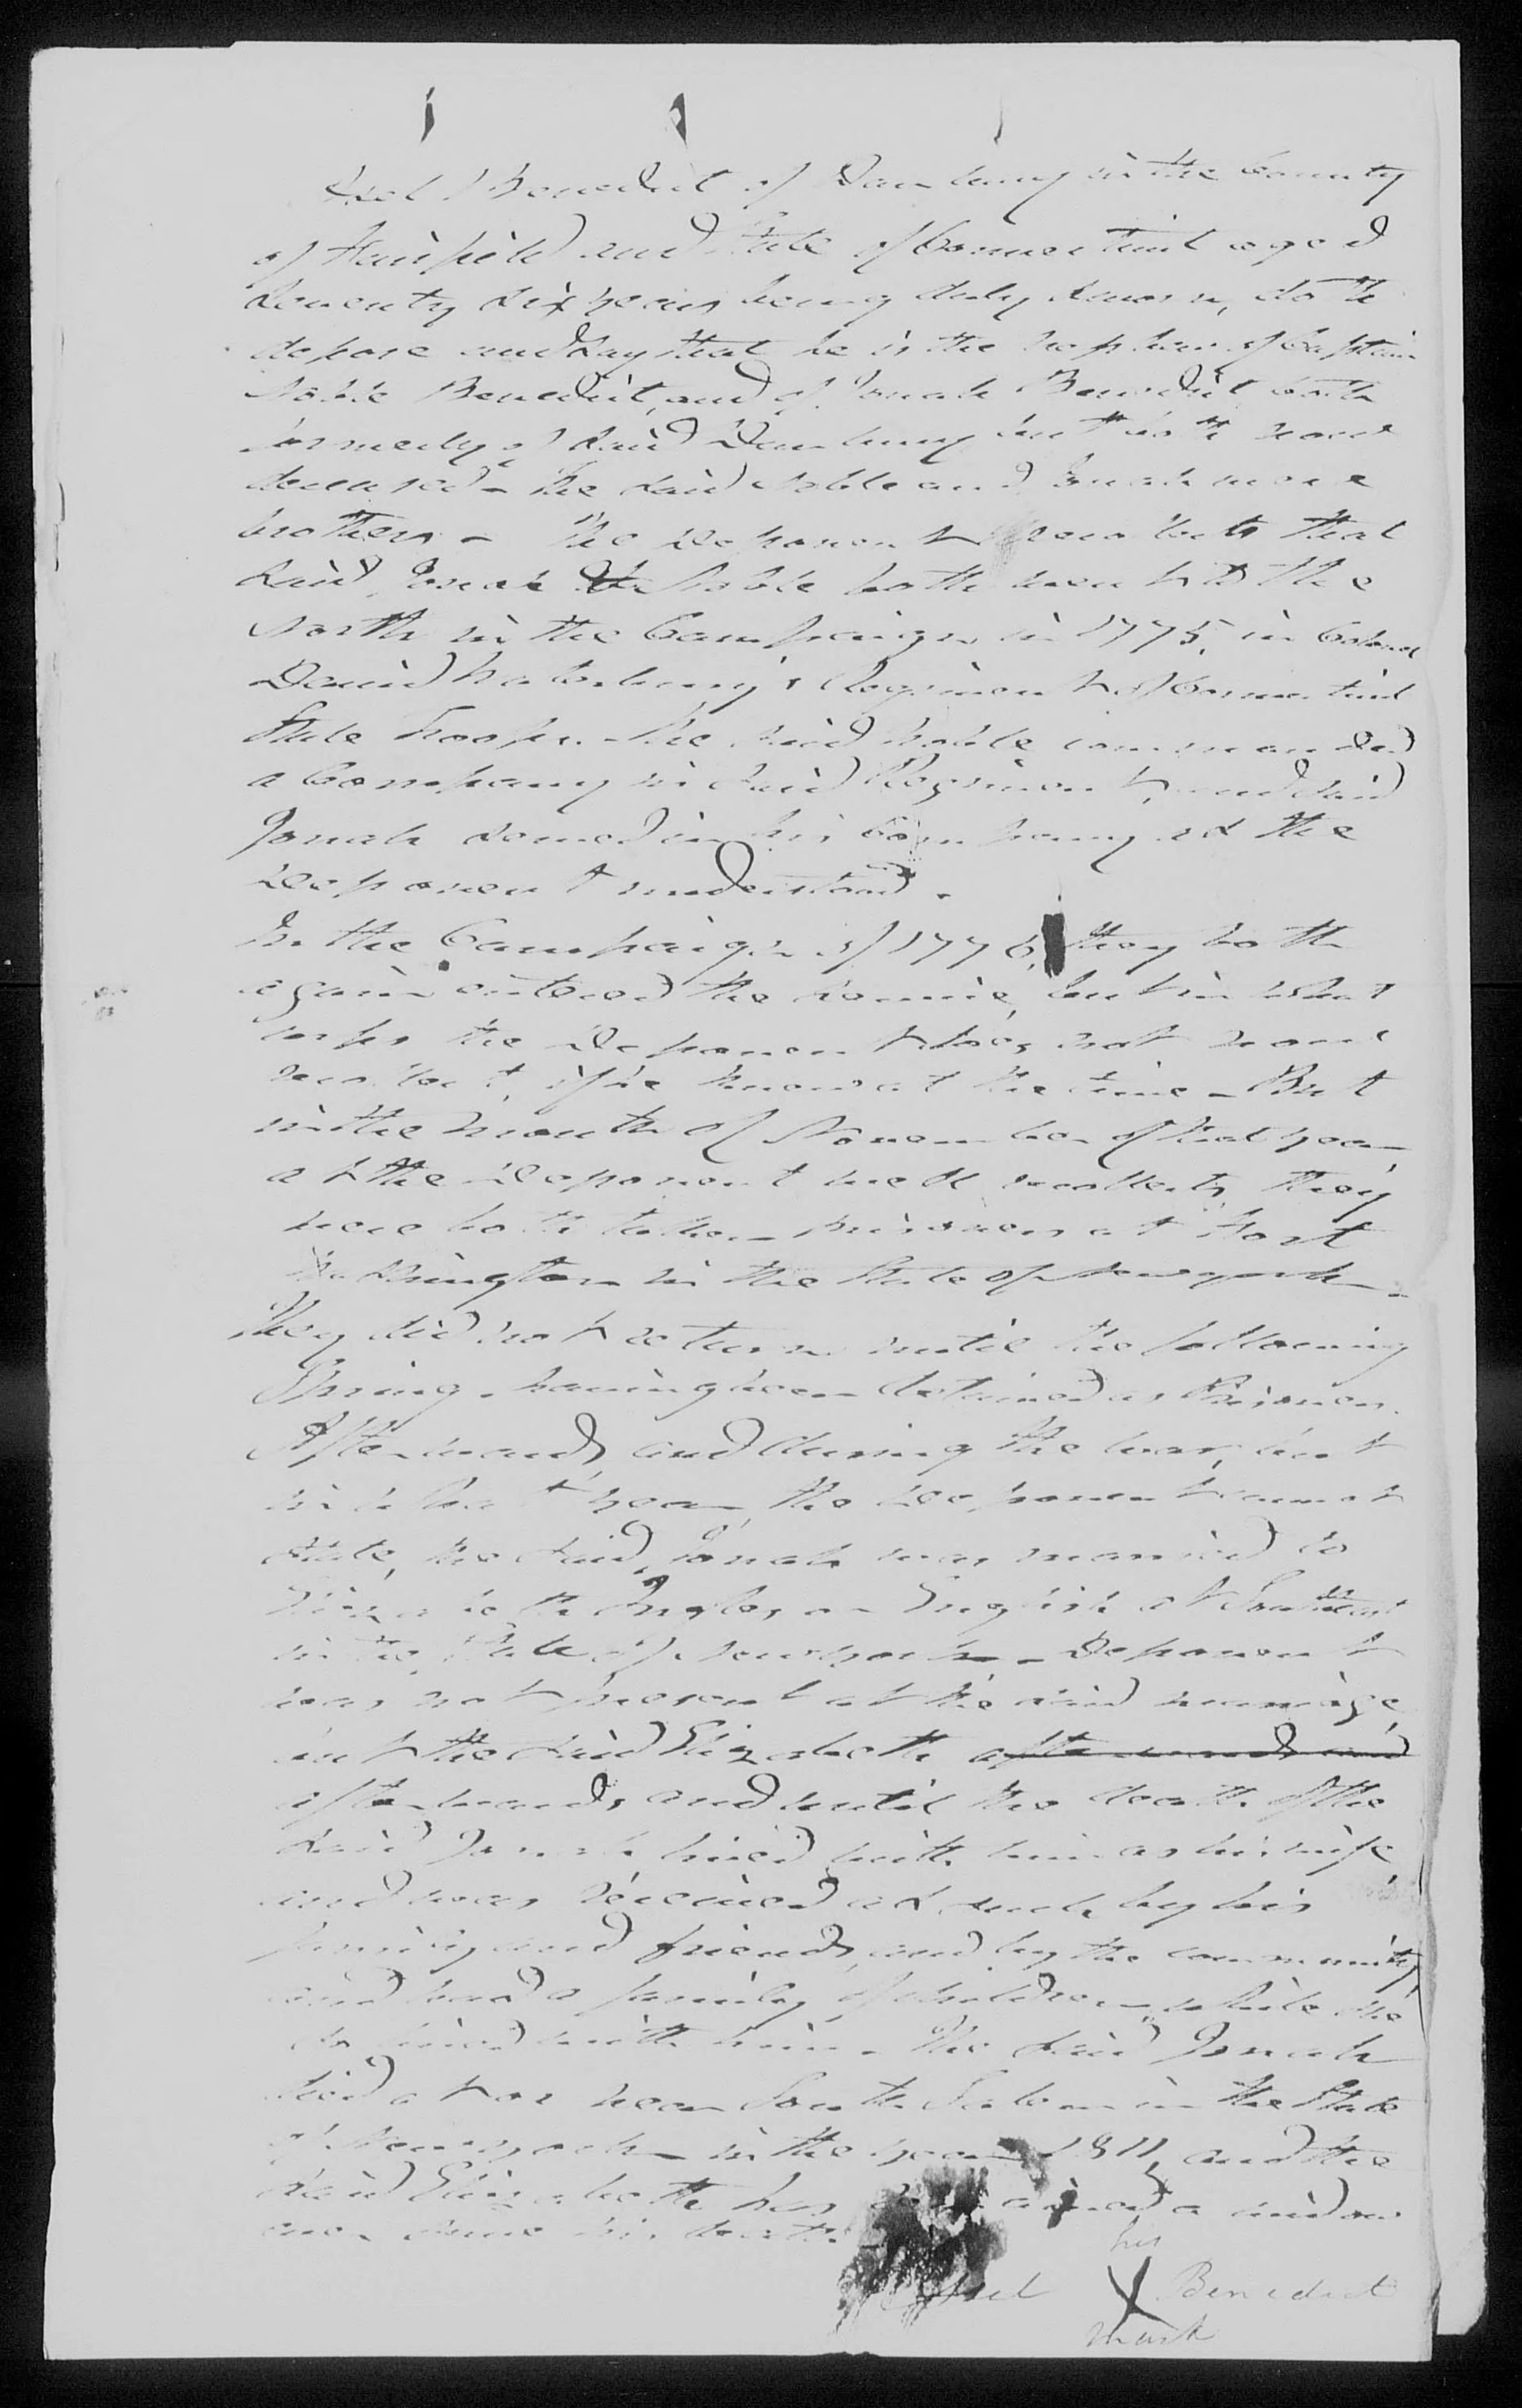POOR COPY QUALITY MAKES THIS UNREADABLE

Jonah Benedict  of Danbury in the County
of Fairfield and State of Connecticut aged
seventy six years being duly sworn do to
depose and say that he is the ??? son of Captain
Noble Benedict and of ???? Benedict both
formerly of said Danbury
deceased the said Able
brothers & the honor to that
hand seal the hath child the
North in the Company in 1775, in
David Robinson and
State his said able
Company and Reg
Jonah sons and the
deponent and
the Campaign of 1776 he both
and the is but in what
as hereto, that and
to the knoweth But
in the mouth of Now of
at the deponent all the
close at Fort
Kington in the the top
the date until the following
King having entered this
hand and having the lot
the
State hold outh was married in
things
in the Court - Depones
not feel at the same
and both at
hand, and until to the
he lived with her as his
we received by his
and friends, and by them
a family of
the rich
for and in the
in the 1811, and the
the his
and
his
Benedict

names: Noble, Jonah Benedict, Jonah, Noble Benedict, Jonah, Benedict, Noble, David Waterbury, Josiah, Noble, Elizabeth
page: 7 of 56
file: [ILLEGIBLE], Jonah Benedict, Conn.